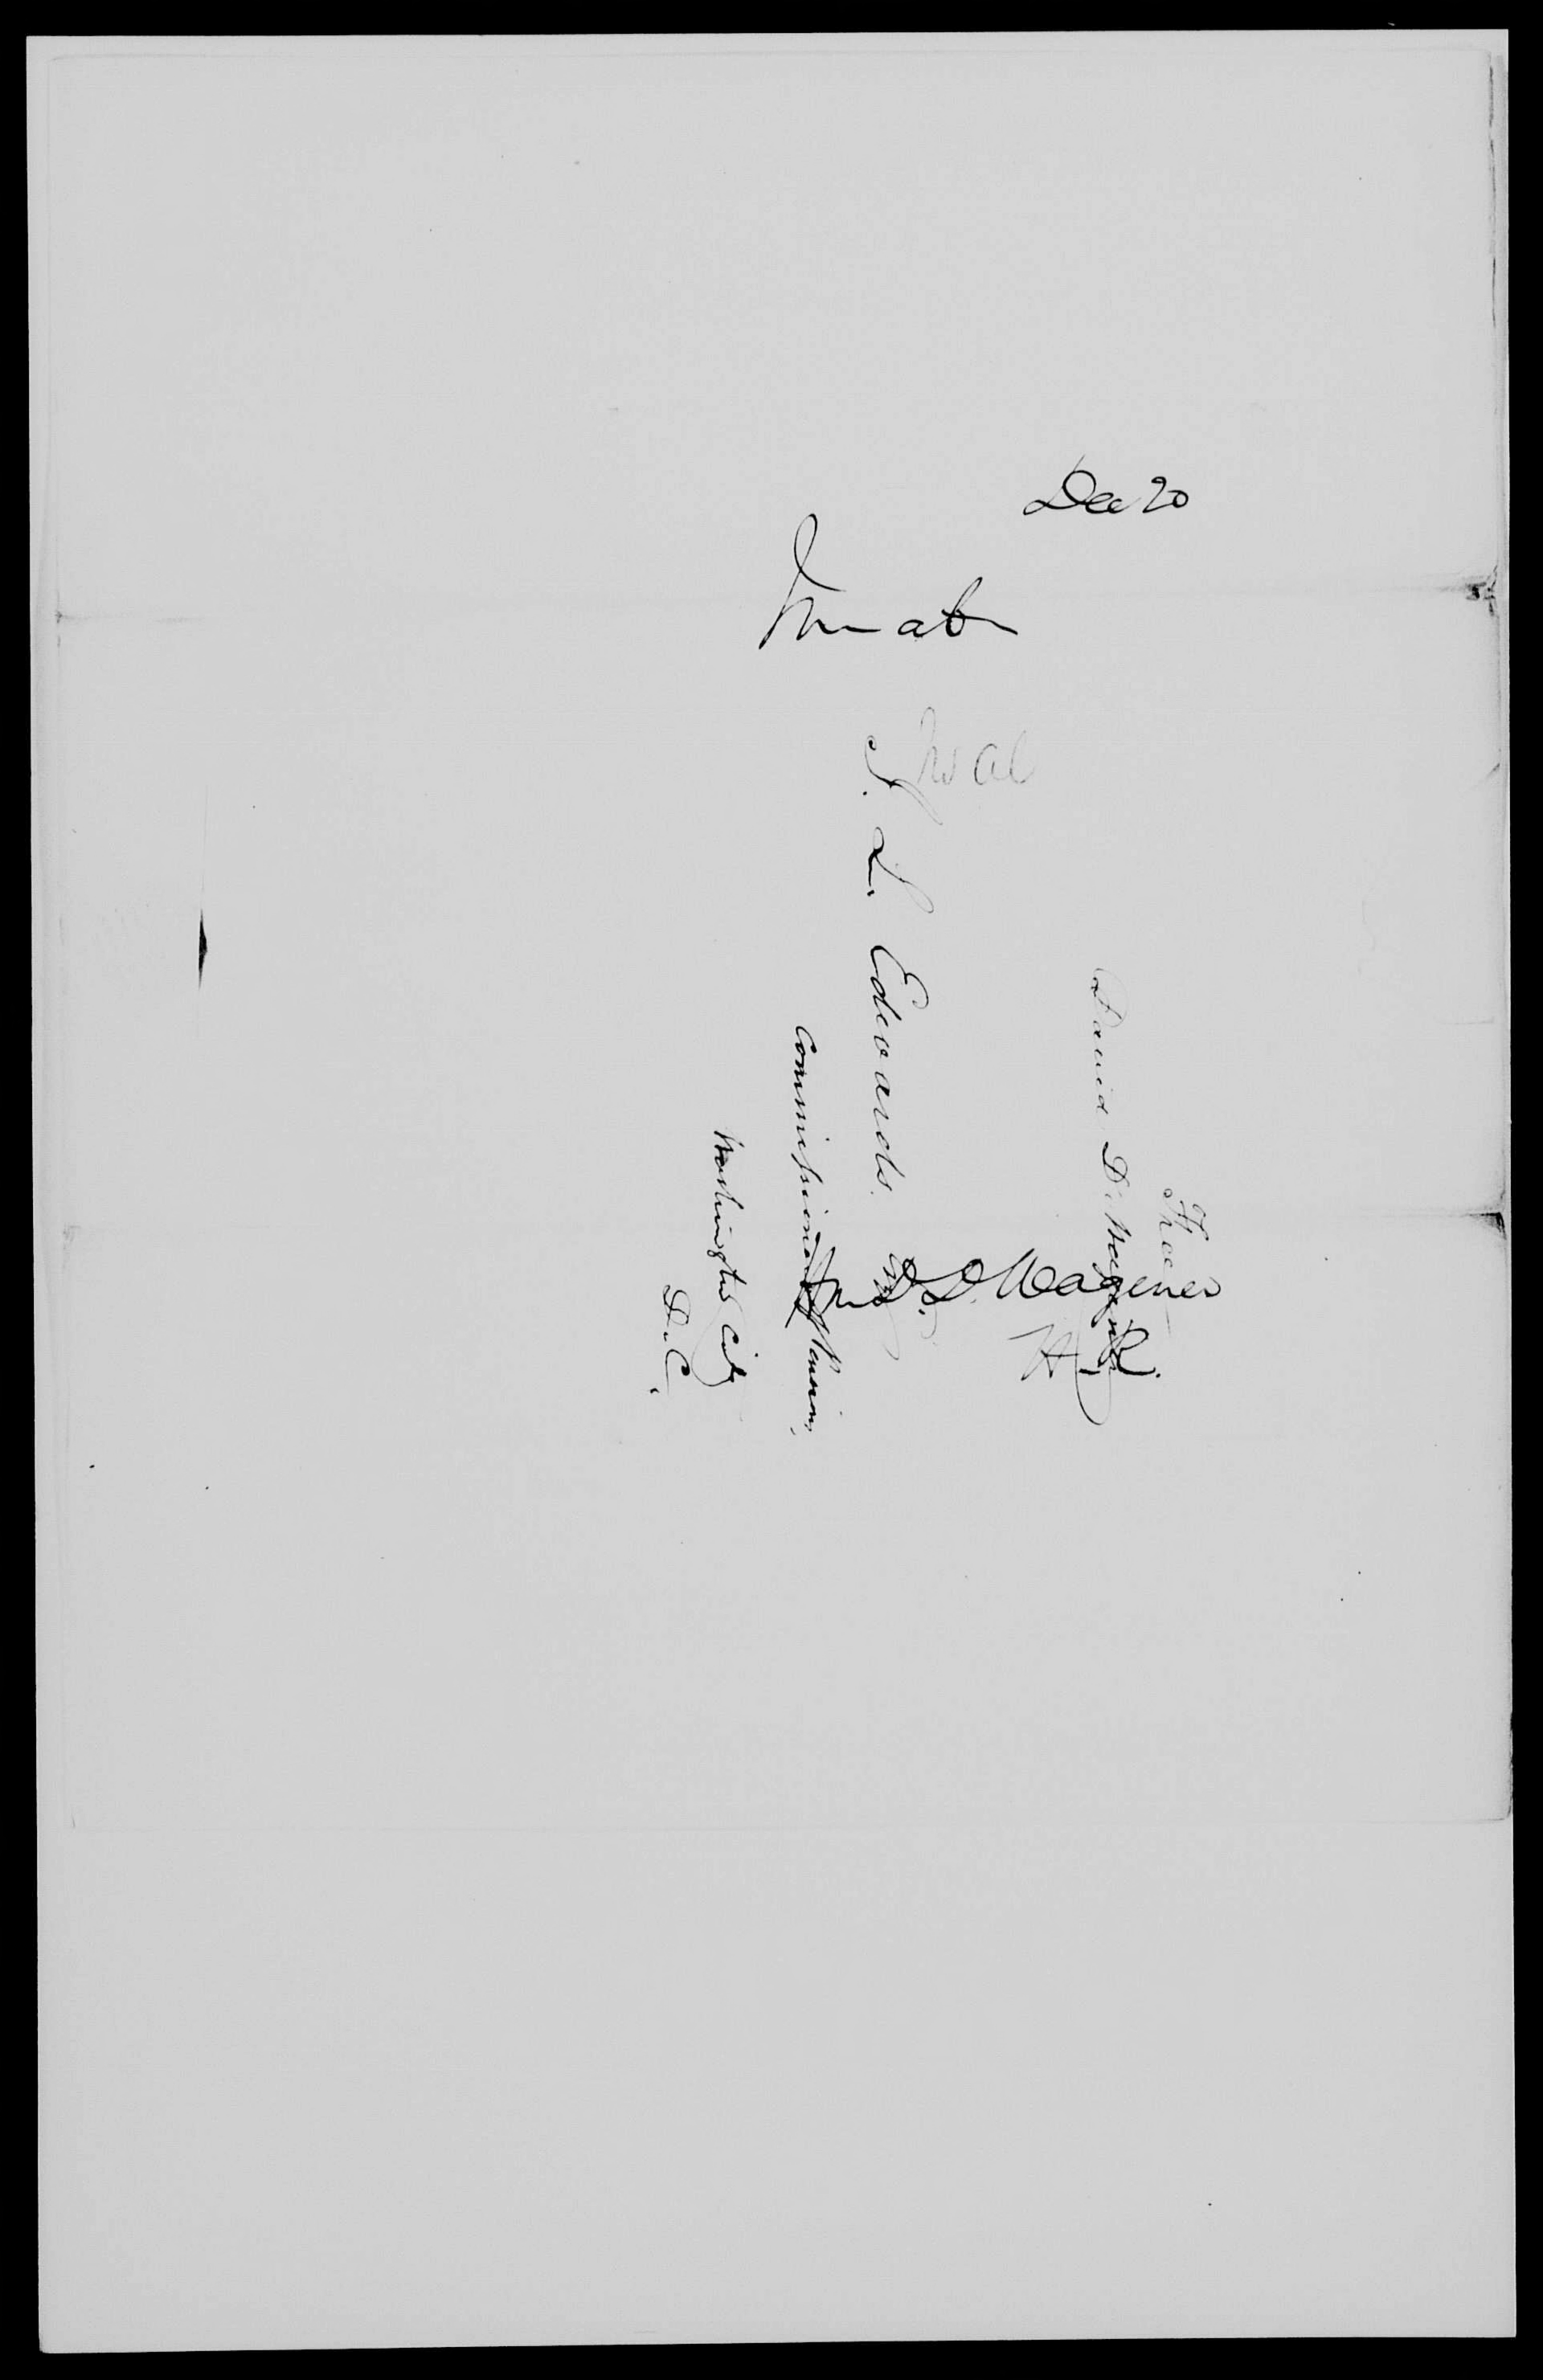J. L. Edwards
D.C.
commissioner of Pensions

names: J L Edwards, D D Wagener, David D Wagener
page: 48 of 79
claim: widow's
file: W. 2,906, Stephen Bennet, Conn.